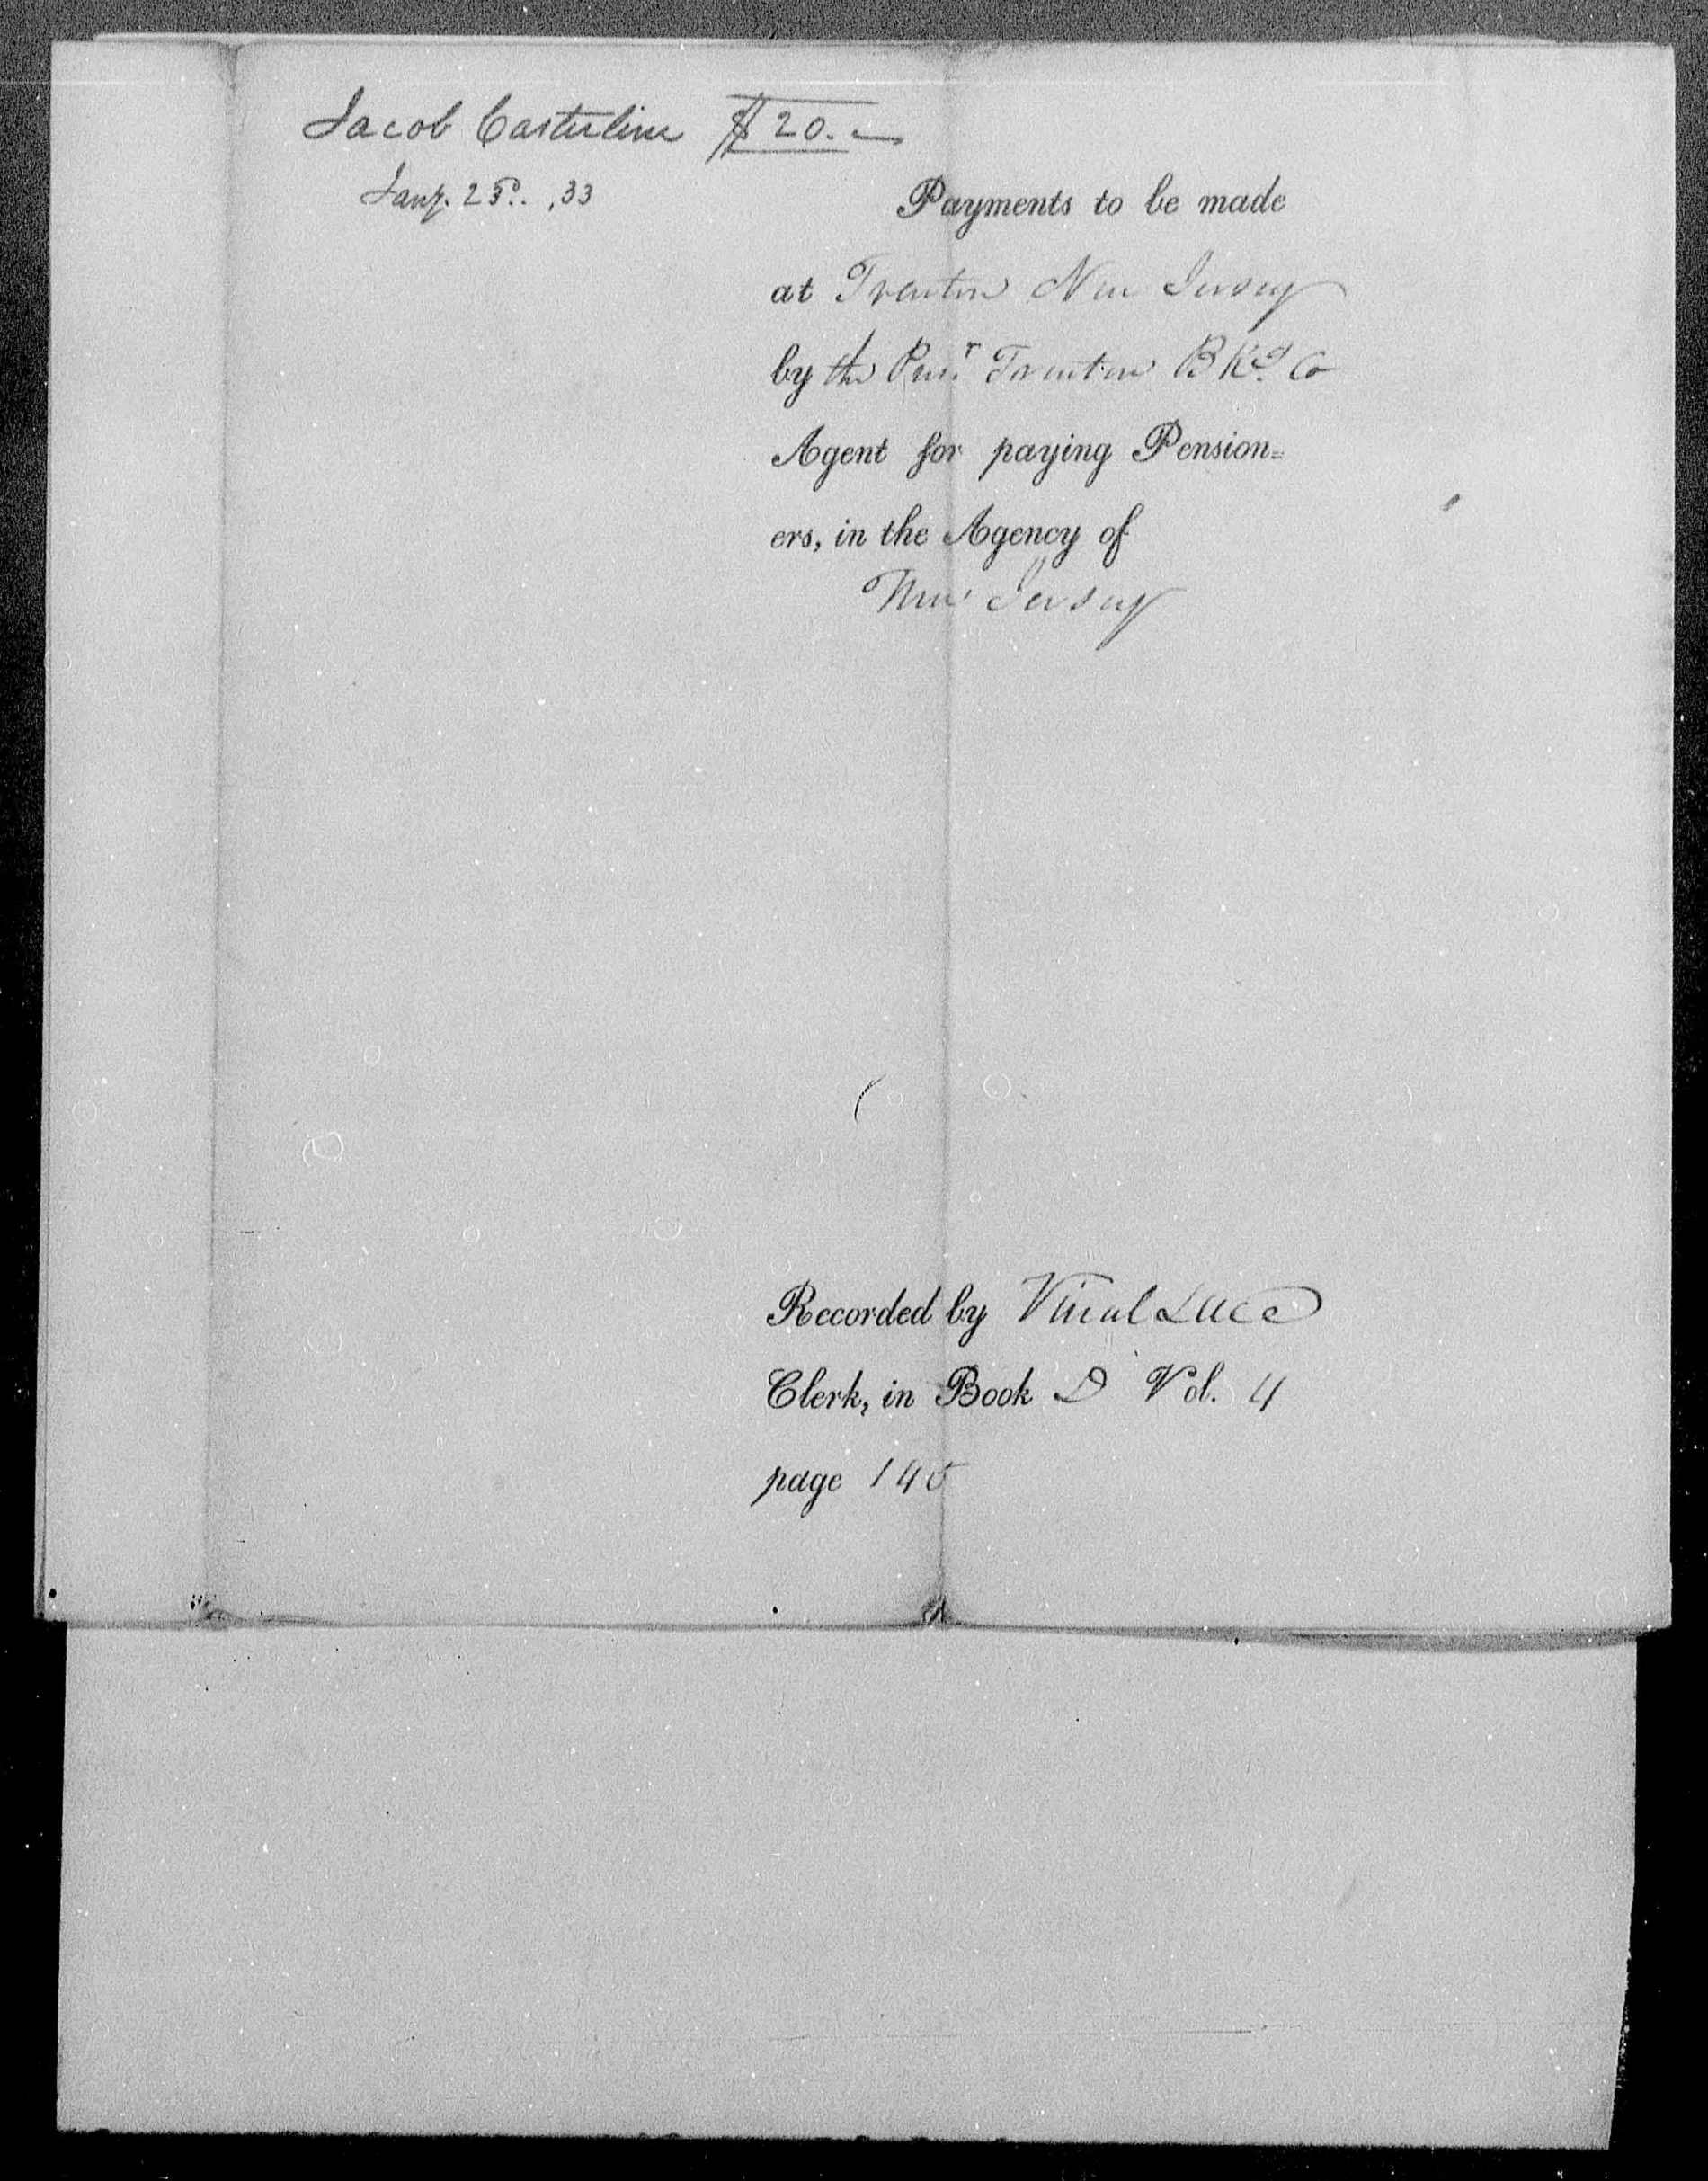Jacob Casterline $20
Jany 23, 33

Payments to be made
at Trenton New Jersey
by the [?] Trenton BK & Co
Agent for paying Pensioners in the Agency of [?]

Recorded by VinalLuce [?]
Clerk in Book D Vol. 4
Page 145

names: Jacob Casterline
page: 29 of 38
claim: widow's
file: W. 6644, Jacob Casterline, New Jersey